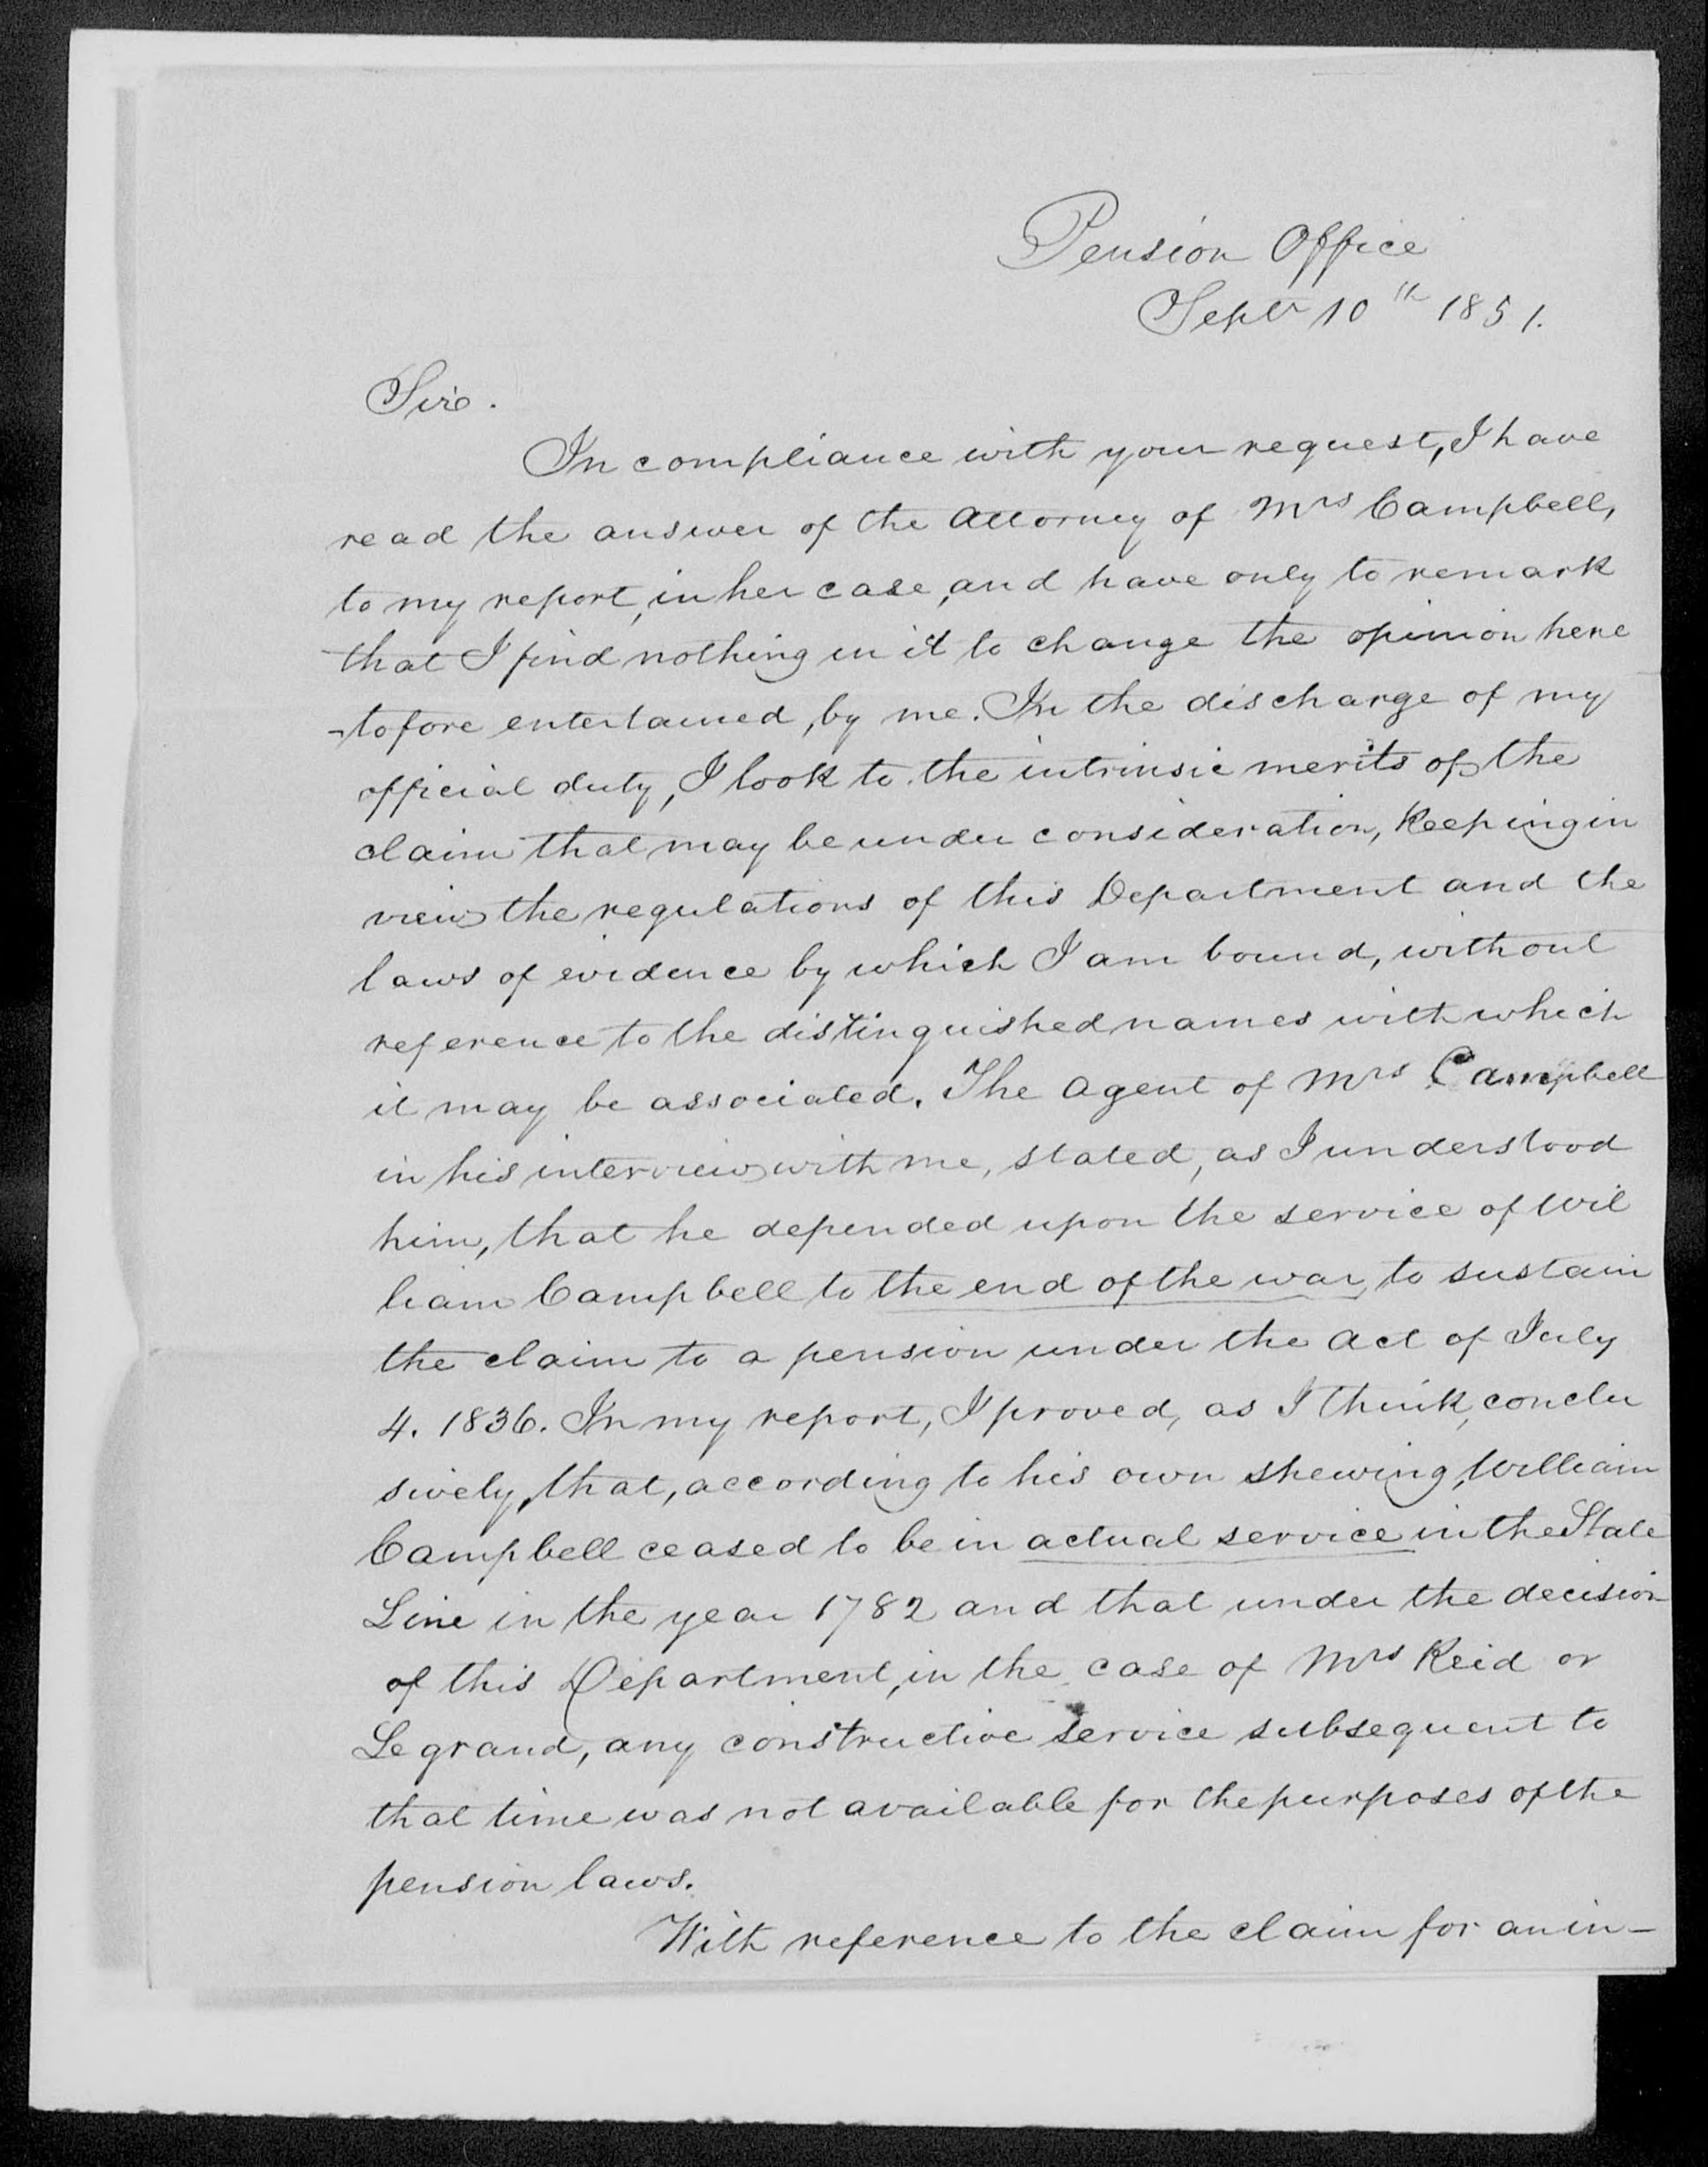Pension Office
Septr 10th 1851.

Sir.
In compliance with your request, I have read the answer of the Attorney of Mrs Campbell, to my report, in her case, and have only to remark that I find nothing in it to change the opinion heretofore entertained, by me. In the discharge of my official duty, I look to the intrusive merits of the claim that may be under consideration, Keeping in view the regulations of this Department and the laws of evidence by which I am bound, without reference to the distinguished names with which it may be associated. The Agent of Mrs Campbell in his interview, with me, stated, as I understood him, that he depended upon the service of William Campbell to the end of the war, to sustain the claim to a pension under the Act of July 4, 1836. In my report, I proved, as I think, conclusively, that, according to his own showing, William Campbell ceased to be in actual service in the State Line in the year 1782 and that under the decision of this Department, in the case of Mrs Reid or Legrand, any constructive service subsequent to that time was not available for the purposes of the pension laws.
With reference to the claim for an in-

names: Campbell, Campbell, William Campbell, Legrand, Reid, William Campbell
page: 182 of 267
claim: widow's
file: W. 4,149, William Campbell, Va.